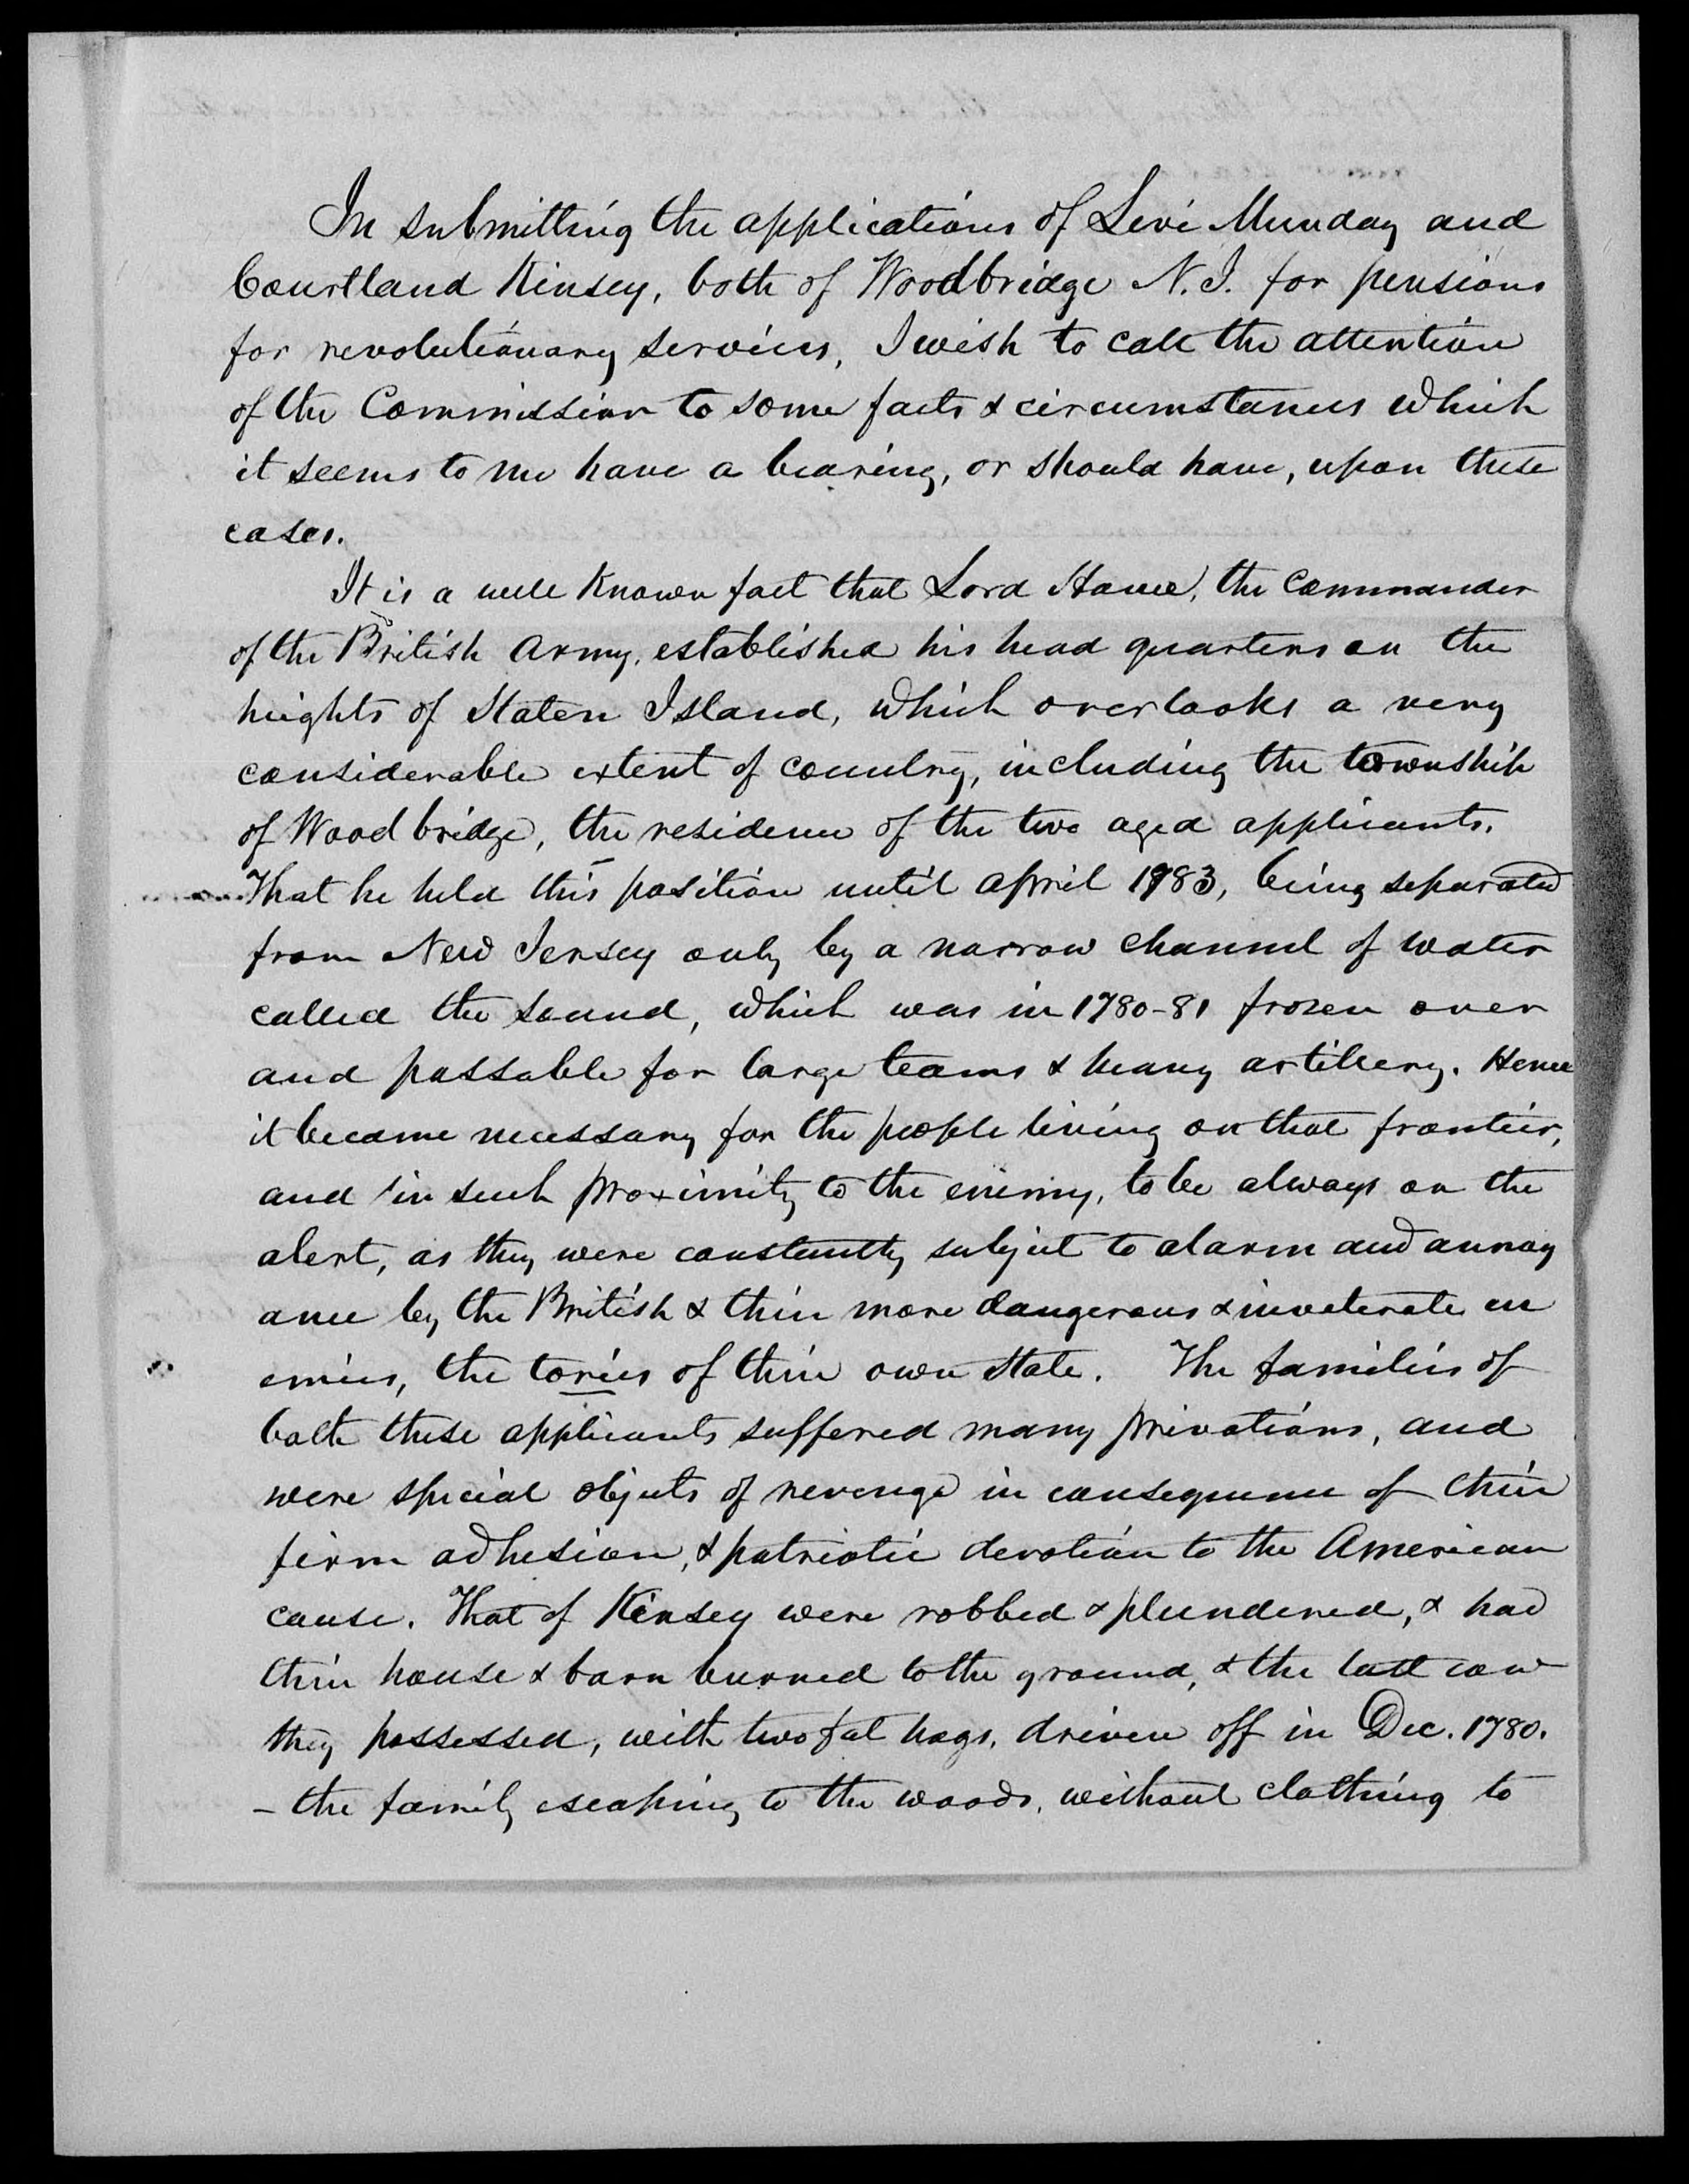In submitting the applications of Levi Munday and Courtland Kinsey, both of Woodbridge N.J., for pensions for revolutionary services, I wish to call the attention of the Commission to some facts & circumstances which, it seems to me, have a bearing, or should have, upon these cases.

It is a well known fact that Lord Howe, the Commander of the British Army, established his headquarters on the Heights of Staten Island, which overlooks a very considerable extent of country, including the Township of Woodbridge, the residences of the two aged applicants. That he held this position until April 1783, being separated from New Jersey only by a narrow channel of water called The Sound, which was in 1780-81 frozen over and passable for large teams & heavy artillery. Hence, it became necessary for the people living on that frontier, and in such proximity to the enemy, to be always on the alert, as they were constantly subject to alarm and annoyance by the British & their more dangerous & inveterate enemies, the Tories of their own state. The families of both these applicants suffered many privations, and were special objects of revenge in consequence of their firm adhesion & patriotic devotion to the American cause. That of Kinsey were robbed & plundered, & had their house & barn burned to the ground & the last cow they possessed, with two fat hogs, driven off in Dec. 1780, the family escaping to the woods without clothing to...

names: Levi Munday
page: 92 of 95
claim: survivor's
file: S 2889, for Levi Mundy, New Jersey